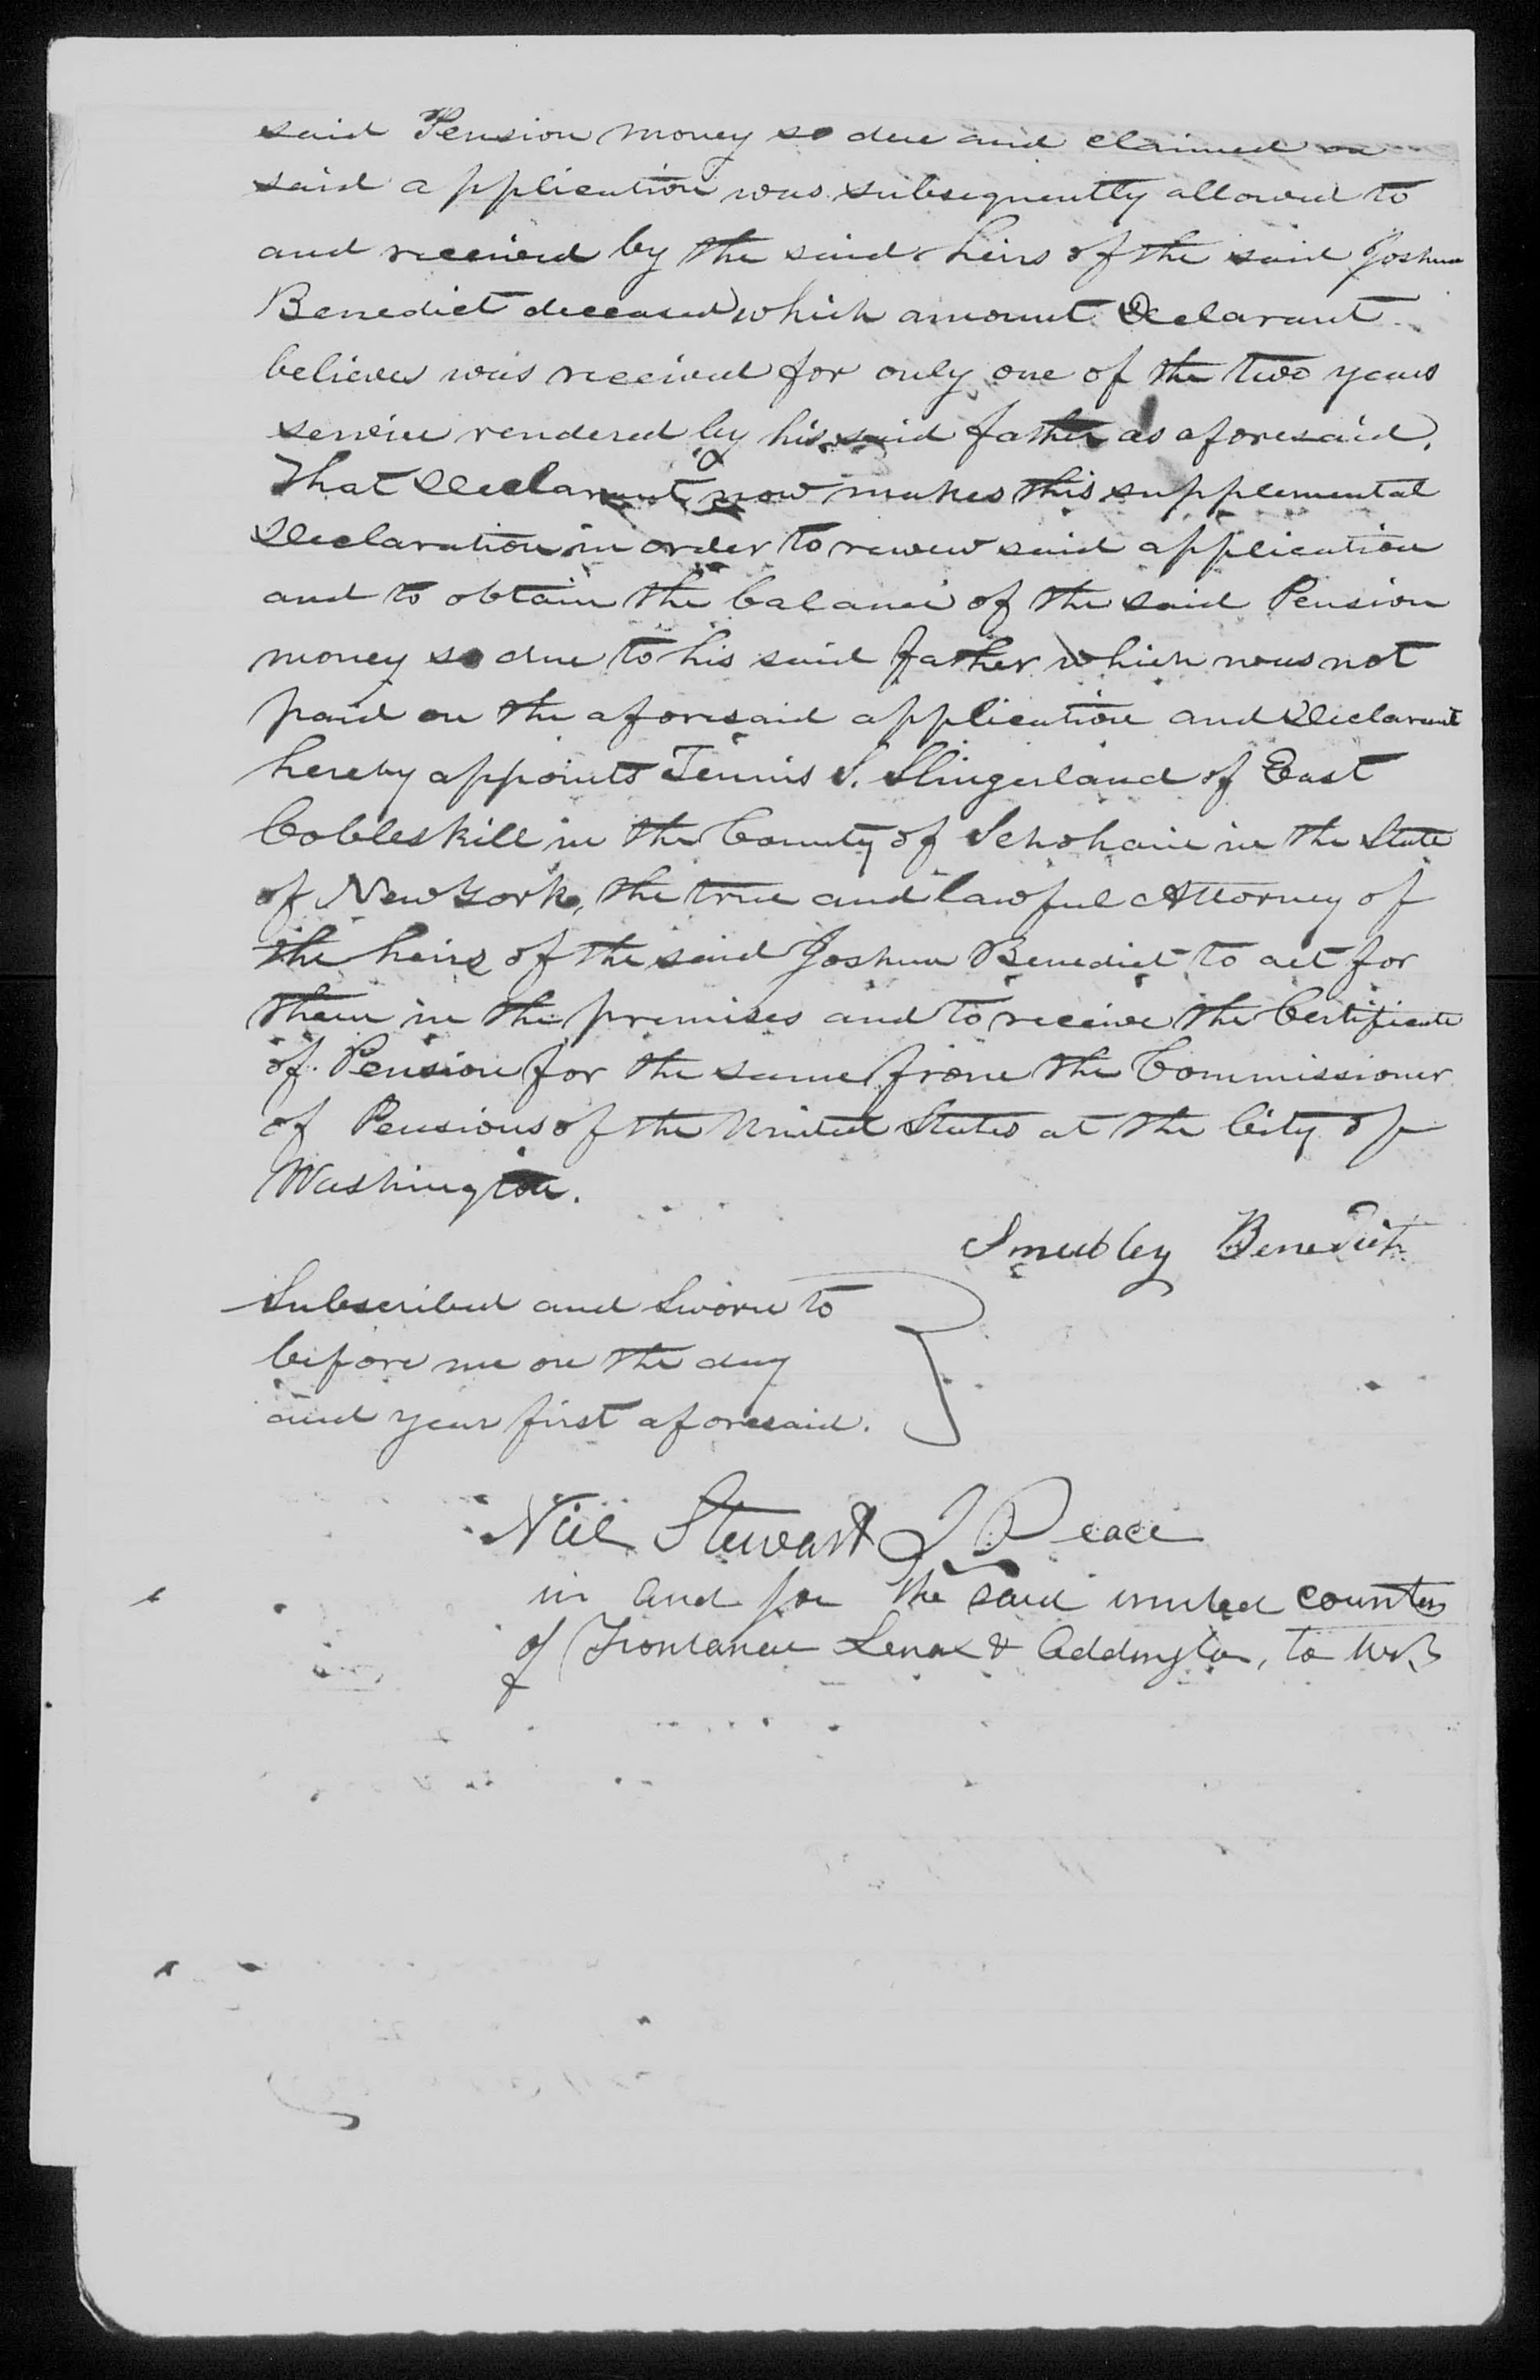said Pension money so due and claimed on said application was subsequently allowed to and received by the said heirs of the said Joshua Benedict deceased which amount Declarant believes was received for only one of the two years service rendered by his said father as aforesaid. That Declarant now makes this supplemental Declaration in order to renew said application and to obtain the balance of the said Pension money so due to his said father which was not paid on the aforesaid application and Declarant hereby appoints James S. Slingerland of East Cobleskill in the County of Schoharie in the State of New York, the true and lawful Attorney of the heirs of the said Joshua Benedict to act for them in the premises and to receive the Certificate of Pension for the same from the Commissioner of Pensions of the untied States at the City of Washington.
Smedley Benedict

Subscribed and Sworn to before me on the day and year first aforesaid.

Niel Stewart J Peace
in and for the said United Counties of Frontenac Lenox [Lennox] & Addington, to wit.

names: Smedley Benedict, Joshua Benedict, Joshua Benedict, Niel Stewart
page: 27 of 106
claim: survivor's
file: S 23,116., Joshua Benedict, Conn.